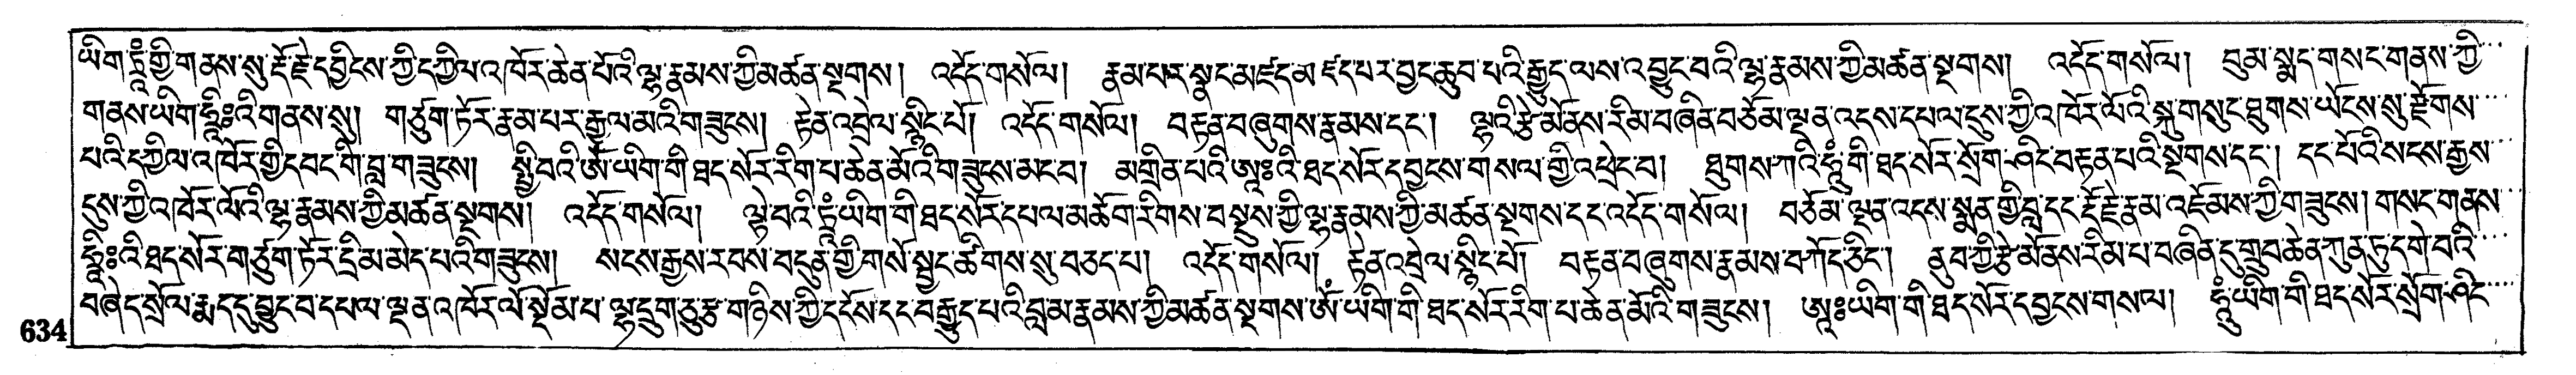ཡིག་ཏྲཱཾ་གྱི་གནས་སུ་རྡོ་རྗེ་དབྱིངས་ཀྱི་དཀྱིལ་འཁོར་ཆེན་པོའི་ལྷ་རྣམས་ཀྱི་མཚན་སྔགས། འདོད་གསོལ། རྣམ་པར་སྣང་མཛད་མངོན་པར་བྱང་ཆུབ་པའི་རྒྱུད་ལས་འབྱུང་བའི་ལྷ་རྣམས་ཀྱི་མཚན་སྔགས། འདོད་གསོལ། བུམ་སྨད་གསང་གནས་ཀྱི་
གནས་ཡིག་ཧྲཱིཿ འི་གནས་སུ། གཙུག་ཏོར་རྣམ་པར་རྒྱལ་མའི་གཟུངས། རྟེན་འབྲེལ་སྙིང་པོ། འདོད་གསོལ། བརྟན་བཞུགས་རྣམས་དང་། ལྷོའི་རྩེ་མོ་ནས་རིམ་བཞིན་བཅོམ་ལྡན་འདས་དཔལ་དུས་ཀྱི་འཁོར་ལོའི་སྐུ་གསུང་ཐུགས་ཡོངས་སུ་རྫོགས་
པའི་དཀྱིལ་འཁོར་གྱི་དབང་གི་བླ་གཟུངས། སྤྱི་བོའི་ཨོཾ་ཡིག་གི་ཐད་སོར་རིག་པ་ཆེན་མོའི་གཟུངས་མང་བ། མགྲིན་པའི་ཨཱཿ འི་ཐད་སོར་དབྱངས་གསལ་གྱི་འཕྲེང་བ། ཐུགས་ཀའི་ཧཱུཾ་གི་ཐད་སོར་སྲོག་ཤིང་བརྟན་པའི་སྔགས་དང་། དང་པོའི་སངས་རྒྱས་
དུས་གྱི་འཁོར་ལོའི་ལྷ་རྣམས་ཀྱི་མཚན་སྔགས། འདོད་གསོལ། ལྟེ་བའི་ཏྲཱཾ་ཡིག་གི་ཐང་སོར་དཔལ་མཆོག་རིགས་བསྡུས་ཀྱི་ལྷ་རྣམས་ཀྱི་མཚན་སྔགས་དང་འདོད་གསོལ། བཅོམ་ལྡན་འདས་སྨན་གྱི་བླ་དང་རྡོ་རྗེ་རྣམ་འཇོམས་ཀྱི་གཟུངས། གསང་གནས་
ཧྲཱིཿ འི་ཐད་སོར་གཙུག་ཏོར་དྲི་མ་མེད་པའི་གཟུངས། སངས་རྒྱས་རབས་བདུན་གྱི་གསོ་སྦྱོང་ཚིགས་སུ་བཅད་པ། འདོད་གསོལ། རྟེན་འབྲེལ་སྙིང་པོ། བརྟན་བཞུགས་རྣམས་བཀོད་ཅིང་། ནུབ་ཀྱི་རྩེ་མོ་ནས་རིམ་པ་བཞིན་དུ་གྲུབ་ཆེན་ཀུན་ཏུ་དགེ་བའི་
བཞེད་སྲོལ་རྨད་དུ་བྱུང་བ་དཔལ་ལྡན་འཁོར་ལོ་སྡོམ་པ་ལྷ་དྲུག་ཅུ་རྩ་གཉིས་ཀྱི་དངོས་དང་བརྒྱུད་པའི་བླ་མ་རྣམས་ཀྱི་མཚན་སྔགས་ཨོཾ་ཡིག་གི་ཐད་སོར་རིག་པ་ཆེན་མོའི་གཟུངས། ཨཱཿ ཡིག་གི་ཐད་སོར་དབྱངས་གསལ། ཧཱུཾ་ཡིག་གི་ཐད་སོར་སྲོག་ཤིང་